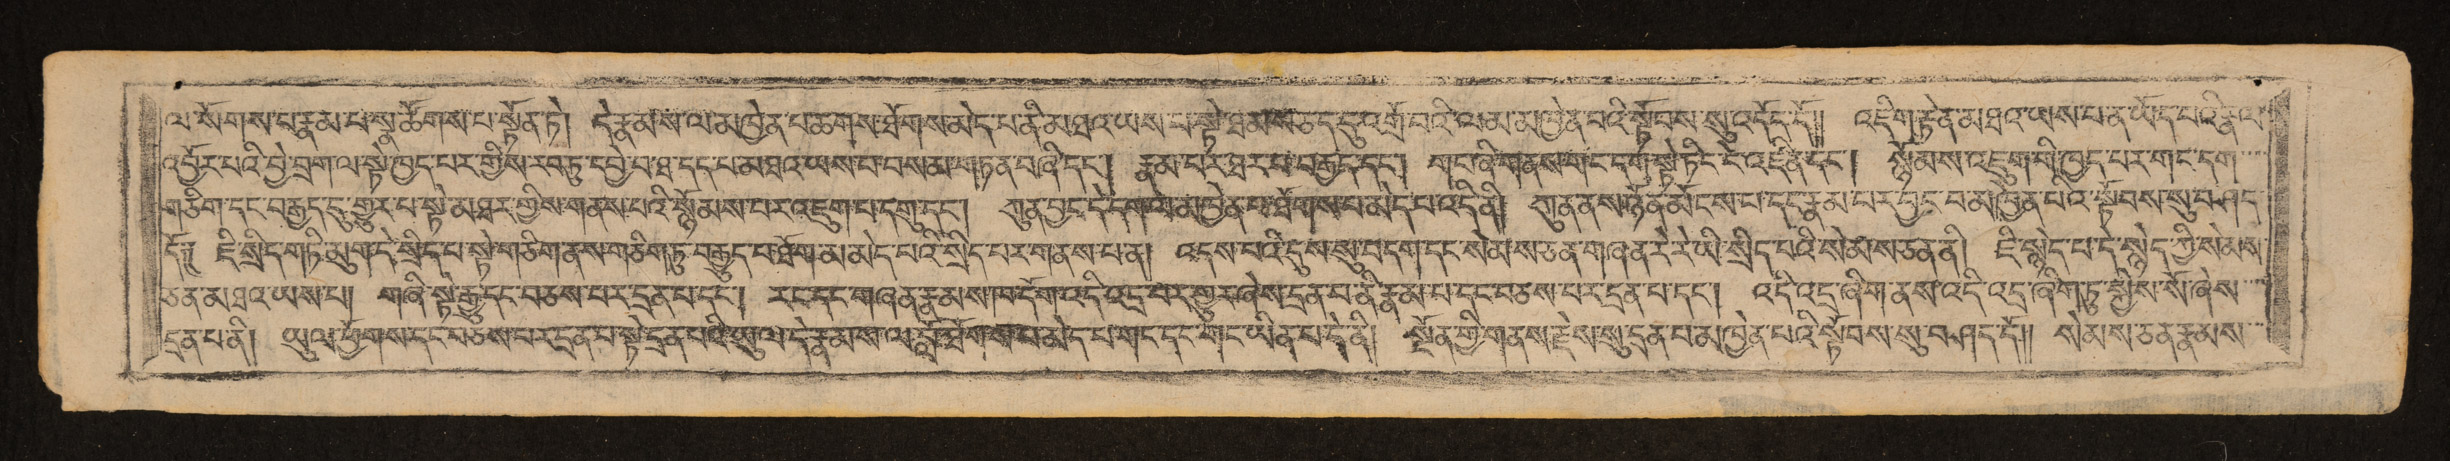ལ་སོགས་པ་རྣམ་པ་སྣ་ཚོགས་པ་སྟོན་ཏ། དེ་རྣམས་ལ་མཁྱེན་པ་ཆགས་ཐོགས་མེད་པ་ནི་མཐའ་ཡས་པ་སྟེ་ཐམས་ཅད་དུ་འགྲོ་བའི་ལམ་མཁྱེན་པའི་སྟོབས་སུ་འདོད་དོ།། འཇིག་རྟེན་མཐའ་ཡས་པ་ན་ཡོད་པའི་རྣལ་
འབྱོར་པའི་བྱེ་བྲག་ལ་སྟེ་ཁྱད་པར་གྱིས་རབ་ཏུ་དབྱེ་བ་ཐ་དད་པ་མཐའ་ཡས་པ་བསམ་གཏན་བཞི་དང་། རྣམ་པར་ཐར་པ་བརྒྱད་དང་། གང་ཞི་གནས་གང་དག་སྟེ་ཏིང་ངེ་འཛིན་དང་། སྙོམས་འཇུག་གི་ཁྱད་པར་གང་དག་
གཅིག་དང་བརྒྱད་དུ་གྱུར་པ་སྟེ་མཐར་གྱིས་གནས་པའི་སྙོམས་པར་འཇུག་པ་དགུ་དང་། ཀུན་བྱང་དེ་དག་ལ་མཁྱེན་པ་ཐོགས་པ་མེད་པ་འདི་ནི། ཀུན་ནས་ཉོན་མོངས་པ་དང་རྣམ་པར་བྱང་བ་མཁྱེན་པའི་སྟོབས་སུ་བཤད་
དོ༑༑ ཇི་སྲིད་གཏི་མུག་དེ་སྲིད་པ་སྟེ་གཅིག་ནས་གཅིག་ཏུ་བརྒྱུད་པ་ཐོག་མ་མེད་པའི་སྲིད་པར་གནས་པ་ན། འདས་པའི་དུས་སུ་བདག་དང་སེམས་ཅན་གཞན་རེ་རེ་ཡི་སྲིད་པའི་སེམས་ཅན་ནི། ཇི་སྙེད་པ་དེ་སྙེད་ཀྱི་སེམས་
ཅན་མཐའ་ཡས་པ། གཞི་སྟེ་རྒྱུ་དང་བཅས་པར་དྲན་པ་དང་། རང་དང་གཞན་རྣམས་ཁ་དོག་འདི་འདྲ་བར་གྱུར་ཞེས་དྲན་པ་ནི་རྣམ་པ་དང་བཅས་པར་དྲན་པ་དང་། འདི་འདྲ་ཞིག་ནས་འདི་འདྲ་ཞིག་ཏུ་སྐྱེས་སོ་ཞེས་
དྲེན་པ་ནི། ཡུལ་ཕྱོགས་དང་བཅས་པར་དྲན་པ་སྟེ་དྲན་པའི་ཡུལ་དེ་རྣམས་ལ་བློ་ཐོགས་པ་མེད་པ་གང་དང་གང་ཡིན་པ་དེ་ནི། སྔོན་གྱི་གནས་རྗེས་སུ་དྲན་པ་མཁྱེན་པའི་སྟོབས་སུ་བཤད་དོ།། སེམས་ཅན་རྣམས་